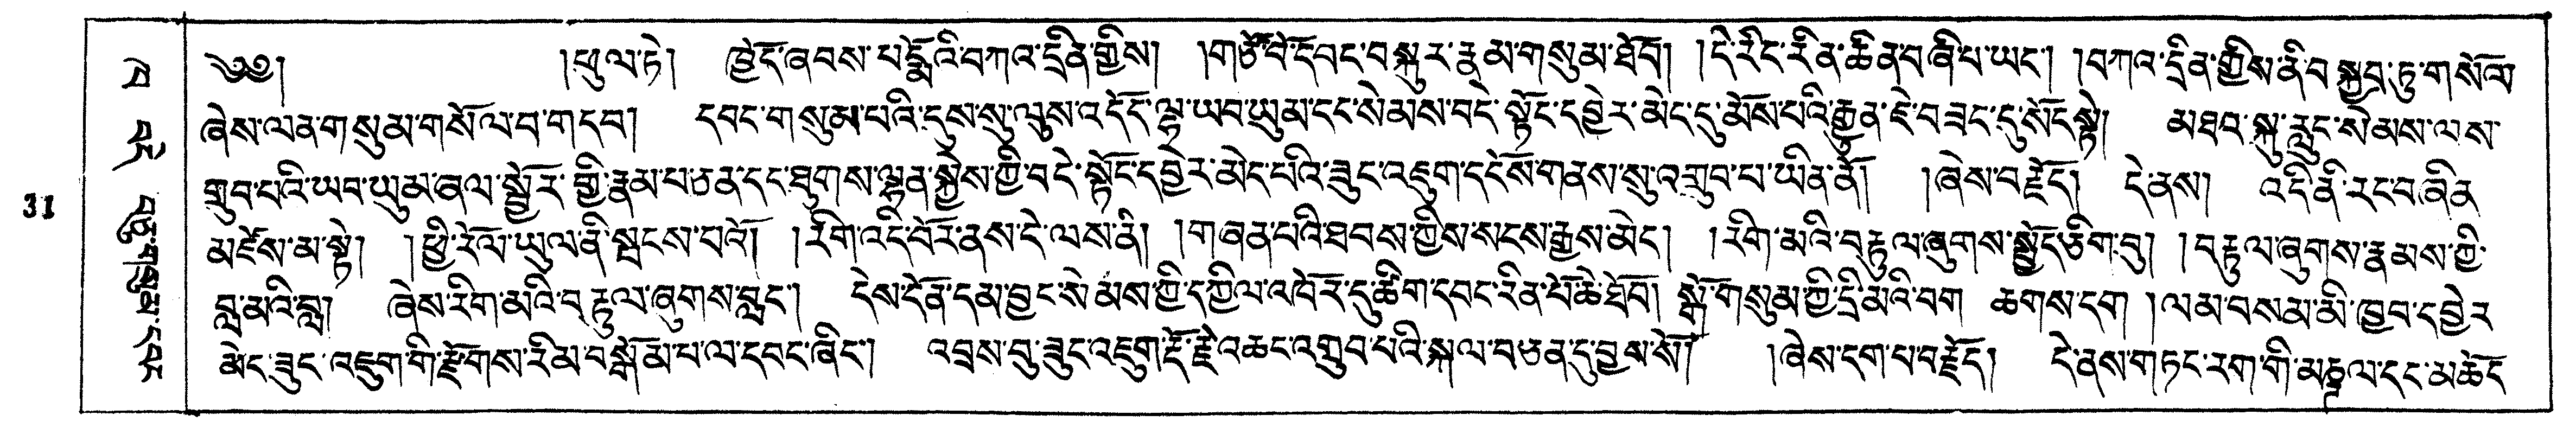༄༅། །ཕུལ་ཏེ། ཁྱོད་ཞབས་པདམོའི་བཀའ་དྲིན་གྱིས། །གཙོ་བོ་དབང་བསྐུར་རྣམ་གསུམ་ཐོབ། །དེ་རིང་རིན་ཆེན་བཞི་པ་ཡང་། །བཀའ་དྲིན་གྱིས་ནི་བསྐྱབ་ཏུ་གསོལ་
ཞེས་ལན་གསུམ་གསོལ་བ་གདབ། དབང་གསུམ་པའི་དུས་སུ་ལུས་འདོད་ལྷ་ཡབ་ཡུམ་དང་སེམས་བདེ་སྟོང་དབྱེར་མེད་དུ་མོས་པའི་རྒྱུན་ཇེ་བཟང་དུ་སོང་སྟེ། མཐའ་སྐུ་རླུང་སེམས་ལས་
གྲུབ་པའི་ཡབ་ཡུམ་ཞལ་སྦྱོར་གྱི་རྣམ་པ་ཅན་དང་ཐུགས་ལྷན་སྐྱེས་ཀྱི་བདེ་སྟོང་དབྱེར་མེད་པའི་ཟུང་འཇུག་དངོས་གནས་སུ་འགྲུབ་པ་ཡིན་ནོ། །ཞེས་བརྗོད། དེ་ནས། འདི་ནི་རང་བཞིན་
མཛེས་མ་སྟེ། །ཕྱི་རོལ་ཡུལ་ནི་སྤངས་པའོ། །རིག་འདི་བོར་ནས་དེ་ལས་ནི། །གཞན་པའི་ཐབས་ཀྱིས་སངས་རྒྱས་མེད། །རིག་མའི་བརྟུལ་ཞུགས་སྤྱོད་ཅིག་བུ། །བརྟུལ་ཞུགས་རྣམས་ཀྱི་
བླ་མའི་བླ། ཞེས་རིག་མའི་བརྟུལ་ཞུགས་བླང་། དེས་དོན་དམ་བྱང་སེམས་ཀྱི་དཀྱིལ་འཁོར་དུ་ཚིག་དབང་རིན་པོ་ཆེ་ཐོབ། སྒོ་གསུམ་ཀྱི་དྲི་མའི་བག་ཆགས་དག །ལམ་བསམ་མི་ཁྱབ་དབྱེར་
མེད་ཟུང་འཇུག་གི་རྫོགས་རིམ་བསྒོམ་པ་ལ་དབང་ཞིང་། འབྲས་བུ་ཟུང་འཇུག་རྡོ་རྗེ་འཆང་འགྲུབ་པའི་སྐལ་པ་ཅན་དུ་བྱས་སོ། །ཞེས་དག་པ་བརྗོད། དེ་ནས་གཏང་རག་གི་མཎྜལ་དང་མཆོད་